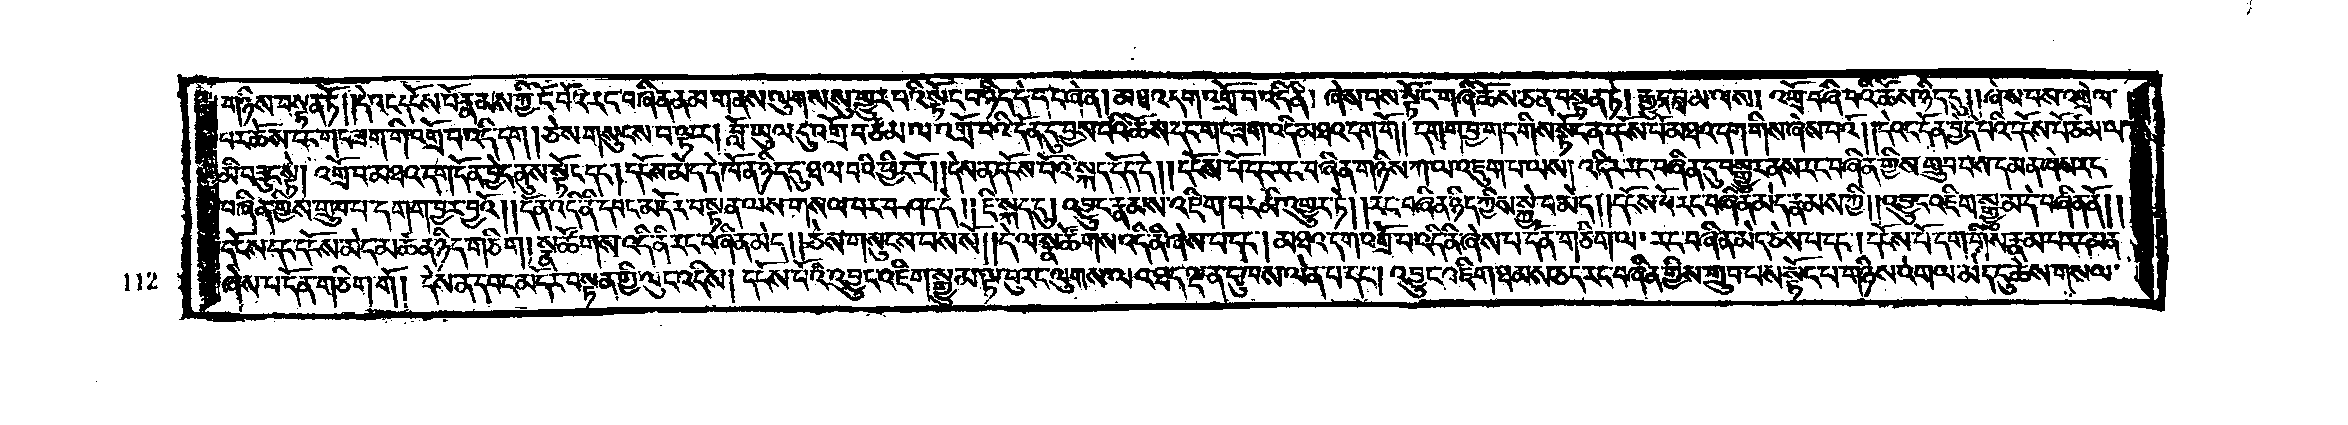གཉིས་བསྟན་ཏོ། །དེའང་དངོས་པོ་རྣམས་ཀྱི་ངོ་བོའི་རང་བཞིན་ནམ་གནས་ལུགས་སུ་གྱུར་པའི་སྟོང་པ་ཉིད་དེ་གང་ཞེ་ན། མཐའ་དག་འགྲོ་བ་འདི་ནི། ཞེས་པས་སྟོང་གཞི་ཆོས་ཅན་བསྟན་ཏེ། རྒྱུད་བླ་མ་ལས། འགྲོ་བ་ཞི་བའི་ཆོས་ཉིད་དུ། །ཞེས་པས་འགྲེལ་
པར་ཆོས་དང་གང་ཟག་གི་འགྲོ་བ་འདི་དག །ཅེས་གསུངས་པ་ལྟར། བློ་ཡུལ་དུ་འགྲོ་བ་ཙམ་ལ་འགྲོ་བའི་དོན་དུ་བྱས་པའི་ཆོས་དང་གང་ཟག་འདི་མཐའ་དག་གོ །དགག་བྱ་གང་གིས་སྟོང་ན་དངོས་པོ་མཐའ་དག་གིས་ཞེས་པའོ། །དེའང་དོན་བྱེད་པའི་དངོས་པོ་ཙམ་ལ་
མི་བཟུང་སྟེ། འགྲོ་བ་མཐའ་དག་དོན་བྱེད་ནུས་སྟོང་དང་། དངོས་མེད་དེ་ཁོ་ན་ཉིད་དུ་ཐལ་བའི་ཕྱིར་རོ། །དེས་ན་དངོས་པོའི་སྐད་དོད་དེ། །དངོས་པོ་དང་རང་བཞིན་གཉིས་ཀ་ལ་འཇུག་པ་ལས། འདིར་རང་བཞིན་དུ་བསྒྱུར་ནས་རང་བཞིན་གྱིས་གྲུབ་པས་དམན་ཞེས་རང་
བཞིན་གྱིས་གྲུབ་པ་དགག་བྱར་བྱའོ། །དོན་འདི་ནི་དབང་མདོར་བསྟན་ལས་གསལ་བར་བཤད་དེ། །ཇི་སྐད་དུ། འབྱུང་རྣམས་འཇིག་པར་མི་འགྱུར་ཏེ། །རང་བཞིན་ཉིད་ཀྱིས་སྐྱེ་བ་མེད། །དངོས་པོ་རང་བཞིན་མེད་རྣམས་ཀྱི། །འབྱུང་འཇིག་སྒྱུ་མ་དེ་བཞིན་ནོ། །
དངོས་དང་དངོས་མེད་མཚན་ཉིད་གཅིག །སྣ་ཚོགས་འདི་ནི་རང་བཞིན་མེད། །ཅེས་གསུངས་པས་སོ། །དེ་ལ་སྣ་ཚོགས་འདི་ནི་ཞེས་པ་དང་། མཐའ་དག་འགྲོ་བ་འདི་ནི་ཞེས་པ་དོན་གཅིག་ལ། རང་བཞིན་མེད་ཅེས་པ་དང་། དངོས་པོ་དག་གིས་རྣམ་པར་དམན།
ཞེས་པ་དོན་གཅིག་གོ །དེས་ན་དབང་མདོར་བསྟན་གྱི་ལུང་འདིས། དངོས་པོའི་འབྱུང་འཇིག་སྒྱུ་མ་ལྟ་བུ་རང་ལུགས་ལ་འཐད་ལྡན་དུ་ཁས་ལེན་པ་དང་། འབྱུང་འཇིག་ཐམས་ཅད་རང་བཞིན་གྱིས་གྲུབ་པས་སྟོང་པ་གཉིས་འགལ་མེད་དུ་ཆོས་གསལ་